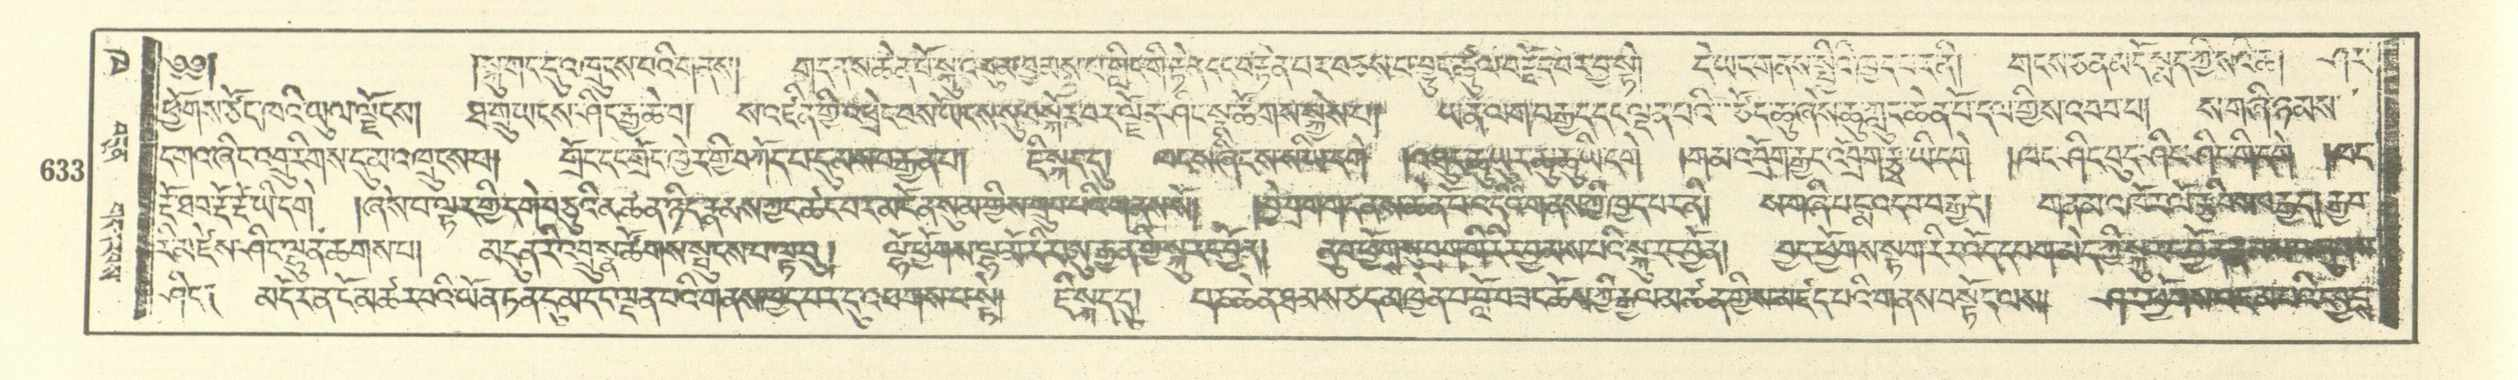༄༅། །སྐུ་གང་དུ་འཁྲུངས་པའི་གནས། གདན་ས་ཆེན་པོ་སྐུ་འབུམ་བྱམས་པ་གླིང་གི་རྟེན་དང་བརྟེན་པར་བཅས་པ་བྱུང་ཚུལ་བརྗོད་པར་བྱ་སྟེ། དེ་ཡང་གནས་སྤྱིའི་ཁྱད་པར་ནི། གངས་ཅན་མདོ་སྨད་ཀྱི་སའི་ཆ། ཤར་
ཕྱོགས་ཙོང་ཁའི་ཡུལ་ལྗོངས། ཐ་གྲུ་ཡངས་ཤིང་རྒྱ་ཆེ་བ། ས་འཛིན་གྱི་འཕྲེང་བས་ཡོངས་སུ་བསྐོར་བར་ལྗོན་ཤིང་སྣ་ཚོགས་སྐྱེས་པ། ཡན་ལག་བརྒྱད་དང་ལྡན་པའི་ཙོང་ཆུ་ཞེས་ཆུ་ཀླུང་ཆེན་པོ་དལ་གྱིས་འབབ་པ། ས་གཞི་ཉམས་
དགའ་ཞིང་འབྲུ་རིགས་དུ་མ་འཁྲུངས་བ། གྲོང་དང་གྲོང་ཁྱེར་གྱི་བཀོད་པ་དུ་མས་བརྒྱན་པ། ཇི་སྐད་དུ། ཁངས་ཞིང་ས་ས་ཡི་དགེ །འཐུང་ཆུ་ཡུར་ཆུ་ཆུ་ཡི་དགེ །གམ་འབྲོག་རྒྱང་འབྲོག་རྩྭ་ཡི་དགེ །ཁང་ཤིང་བུད་ཤིང་ཤིང་གི་དགེ །ཁང་
རྡོ་ཐབ་རྡོ་རྔོ་ཡི་དགེ །ཞེས་པ་ལྟར་གྱི་དགེ་བཅུའི་མཚན་ཉིད་རྣམས་ཀྱང་ཚང་བར་མངོན་སུམ་གྱིས་གྲུབ་པའི་གནས་སོ། །བྱེ་བྲག་གདན་ས་ཆེན་པོ་འདིའི་གནས་ཀྱི་ཁྱད་པར་ནི། ས་གཞི་པདམ་འདབ་བརྒྱད། གནམ་འཁོར་ལོ་རྩིབས་བརྒྱད། རྒྱབ་
རི་མཛེས་ཤིང་ལྷུན་ཆགས་པ། མདུན་རི་འབྲུ་སྣ་ཚོགས་སྤུངས་པ་ལྟ་བུ། ལྷོ་ཕྱོགས་ལྷ་མོ་རིར་ཨུ་རྒྱན་གྱི་སྐུ་རང་བྱོན། ནུབ་ཕྱོགས་སུ་བྲག་གི་རིར་བྱམས་པའི་སྐུ་རང་བྱོན། བྱང་ཕྱོགས་སྟག་རིར་འོད་དཔག་མེད་ཀྱི་སྐུ་རང་བྱོན་རྣམས་བཞུགས་
ཤིང༑ མདོར་ན་ངོ་མཚར་པའི་ཡོན་ཏན་དུ་མ་དང་ལྡན་པའི་གནས་ཁྱད་པར་དུ་འཕགས་པ་སྟེ། ཇི་སྐད་དུ། པཎ་ཆེན་ཐམས་ཅད་མཁྱེན་པ་བློ་བཟང་ཆོས་ཀྱི་རྒྱལ་མཚན་གྱིས་མཛད་པའི་གནས་བསྟོད་ལས། ཤར་ཕྱོགས་འཇམ་པའི་དབྱངས་